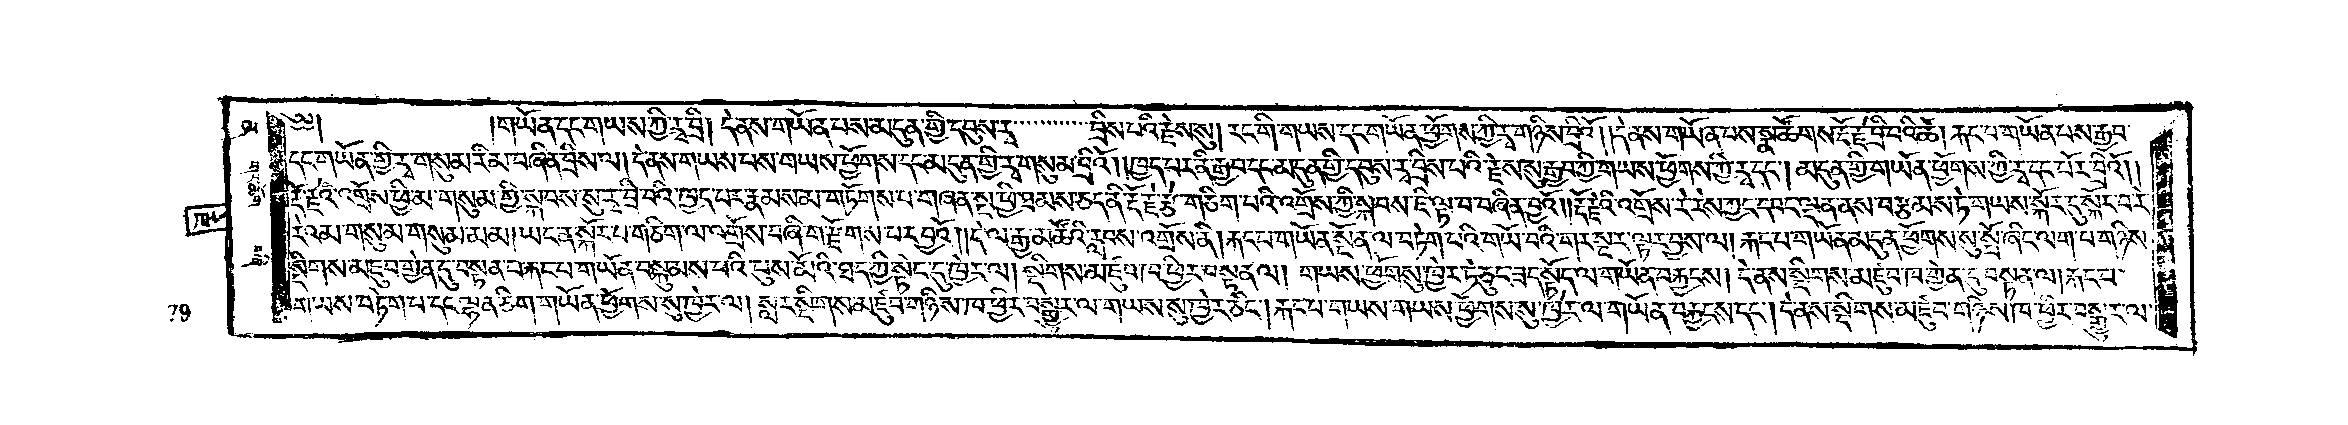༄༅། །གཡོན་དང་གཡས་ཀྱི་རྭ་བྲི། དེ་ནས་གཡོན་པས་མདུན་གྱི་དབུས་རྭ་བྲིས་པའི་རྗེས་སུ། རང་གི་གཡས་དང་གཡོན་ཕྱོགས་ཀྱི་རྭ་གཉིས་བྲིའོ། །དེ་ནས་གཡོན་པས་སྣ་ཚོགས་རྡོ་རྗེ་བྲི་བའི་ཚེ། རྐང་པ་གཡོན་པས་རྒྱབ་
དང་གཡོན་གྱི་རྭ་གསུམ་རིམ་བཞིན་བྲིས་ལ། དེ་ནས་གཡས་པས་གཡས་ཕྱོགས་དང་མདུན་གྱི་རྭ་གསུམ་བྲིའོ། །ཁྱད་པར་ནི་རྒྱབ་དང་མདུན་གྱི་དབུས་རྭ་བྲིས་པའི་རྗེས་སུ་རྒྱབ་ཀྱི་གཡས་ཕྱོགས་ཀྱི་རྭ་དང་། མདུན་གྱི་གཡོན་ཕྱོགས་ཀྱི་རྭ་དང་པོར་བྲིའོ། །
རྡོ་རྗེའི་འགྲོས་ཕྱི་མ་གསུམ་གྱི་སྐབས་སུ་རྭ་བྲི་བའི་ཁྱད་པར་རྣམས་མ་གཏོགས་པ་གཞན་སྔ་ཕྱི་ཐམས་ཅད་ནི་རྡོ་རྗེ་རྩེ་གཅིག་པའི་འགྲོས་ཀྱི་སྐབས་ཇི་ལྟ་བ་བཞིན་བྱའོ། །རྡོ་རྗེའི་འགྲོས་རེ་རེས་ཀྱང་དབང་ལྡན་ནས་བརྩམས་ཏེ་གཡས་སྐོར་དུ་སྐོར་བ་རེ་
རེའམ་གསུམ་གསུམ་མམ། ཡང་ན་སྐོར་བ་གཅིག་ལ་འགྲོས་བཞི་ག་རྫོགས་པར་བྱའོ། །དེ་ལ་རྒྱ་མཚོའི་རླབས་འགྲོས་ནི། རྐང་པ་གཡོན་སྔོན་ལ་བརྟེག་པའི་གཡོ་བའི་གར་སྔར་ལྟར་བྱས་ལ། རྐང་པ་གཡོན་མདུན་ཕྱོགས་སུ་སྤོ་ཞིང་ལག་པ་གཉིས་
སྡིགས་མཛུབ་གྱེན་དུ་བསྟན་པ་རྐང་པ་གཡོན་བསྐུམས་པའི་པུས་མོའི་ཐད་ཀྱི་སྟེང་དུ་ཁྱེར་ལ། སྡིགས་མཛུབ་ཁ་ཕྱིར་བསྟན་ལ། གཡས་ཕྱོགས་སུ་ཁྱེར་ཏེ་ཅུང་ཟད་སྟོད་ལ་གཡོན་བརྐྱངས། དེ་ནས་སྡིགས་མཛུབ་ཁ་གྱེན་དུ་བསྟན་ལ། རྐང་པ་
གཡས་བཏེག་པ་དང་ལྷན་ཅིག་གཡོན་ཕྱོགས་སུ་ཁྱེར་ལ། སླར་སྡིགས་མཛུབ་གཉིས་ཁ་ཕྱིར་བསྒྱུར་ལ་གཡས་སུ་ཁྱེར་ཅིང་། རྐང་པ་གཡས་གཡས་ཕྱོགས་སུ་ཁྱེར་ལ་གཡོན་བརྐྱངས་དང་། དེ་ནས་སྡིགས་མཛུབ་གཉིས་ཁ་ཕྱིར་བསྒྱུར་ལ་